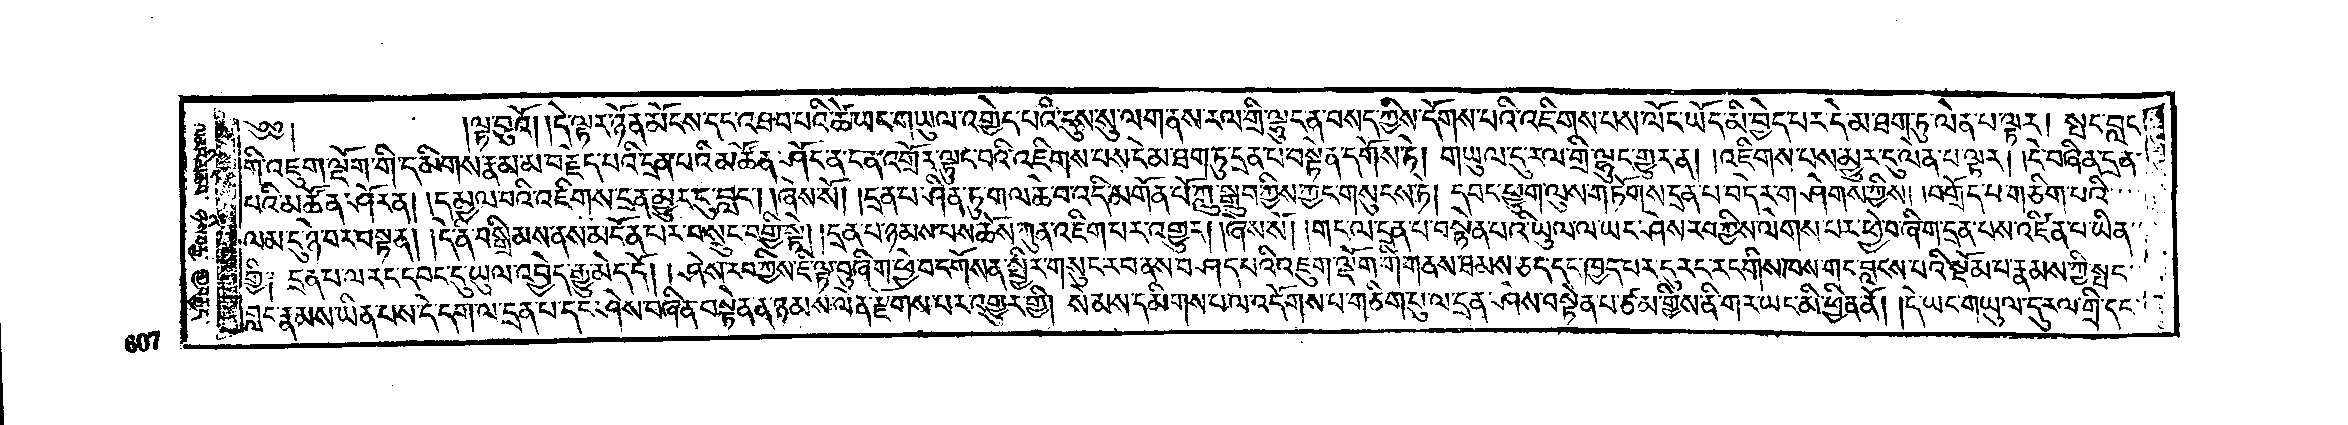༄༅། །ལྟ་བུའོ། །དེ་ལྟར་ཉོན་མོངས་དང་འཐབ་པའི་ཚེ་ཡང་གཡུལ་འགྱེད་པའི་དུས་སུ་ལག་ནས་རལ་གྲི་ལྷུང་ན་བསད་ཀྱིས་དོགས་པའི་འཇིགས་པས་ལོང་ཡོད་མི་བྱེད་པར་དེ་མ་ཐག་ཏུ་ལེན་པ་ལྟར། སྤང་བླང་
གི་འཇུག་ལྡོག་གི་དམིགས་རྣམ་མ་བརྗེད་པའི་དྲན་པའི་མཚོན་ཤོར་ན་ངན་འགྲོར་ལྟུང་བའི་འཇིགས་པས་དེ་མ་ཐག་ཏུ་དྲན་པ་བསྟེན་དགོས་ཏེ། གཡུལ་དུ་རལ་གྲི་ལྷུང་གྱུར་ན། །འཇིགས་པས་མྱུར་དུ་ལེན་པ་ལྟར། །དེ་བཞིན་དྲན་
པའི་མཚོན་ཤོར་ན། །དམྱལ་བའི་འཇིགས་དྲན་མྱུར་དུ་བླང་། །ཞེས་སོ། །དྲན་པ་ཤིན་ཏུ་གལ་ཆེ་བ་འདི་མགོན་པོ་ཀླུ་སྒྲུབ་ཀྱིས་ཀྱང་གསུངས་ཏེ། དབང་ཕྱུག་ལུས་གཏོགས་དྲན་པ་བདེར་གཤེགས་ཀྱིས། །བགྲོད་པ་གཅིག་པའི་
ལམ་དུ་ཉེ་བར་བསྟན། །དེ་ནི་བསྒྲིམས་ནས་མངོན་པར་བསྲུང་བགྱི་སྟེ། །དྲན་པ་ཉམས་པས་ཆོས་ཀུན་འཇིག་པར་འགྱུར། །ཞེས་སོ། །གང་ལ་དྲན་པ་བསྟེན་པའི་ཡུལ་ལ་ཡང་ཤེས་རབ་ཀྱིས་ལེགས་པར་ཕྱེ་བ་ཞིག་དྲན་པས་འཛིན་པ་ཡིན་
གྱི༑ དྲན་པ་ལ་རང་དབང་དུ་ཡུལ་འབྱེད་རྒྱུ་མེད་དོ། །ཤེས་རབ་ཀྱིས་ཇི་ལྟ་བུ་ཞིག་ཕྱེ་བ་དགོས་ན་སྤྱིར་གསུང་རབ་ནས་བཤད་པའི་འཇུག་ལྡོག་གི་གནས་ཐམས་ཅད་དང་ཁྱད་པར་དུ་རང་རང་གིས་ཁས་གང་བླངས་པའི་སྡོམ་པ་རྣམས་ཀྱི་སྤང་
བླང་རྣམས་ཡིན་པས་དེ་དག་ལ་དྲན་པ་དང་ཤེས་བཞིན་བསྟེན་ན་ཉམས་ལེན་རྫོགས་པར་འགྱུར་གྱི། སེམས་དམིགས་པ་ལ་འདོགས་པ་གཅིག་པུ་ལ་དྲན་ཤེས་བསྟེན་པ་ཙམ་གྱིས་ནི་གར་ཡང་མི་ཕྱིན་ནོ། །དེ་ཡང་གཡུལ་དུ་རལ་གྲི་དང་